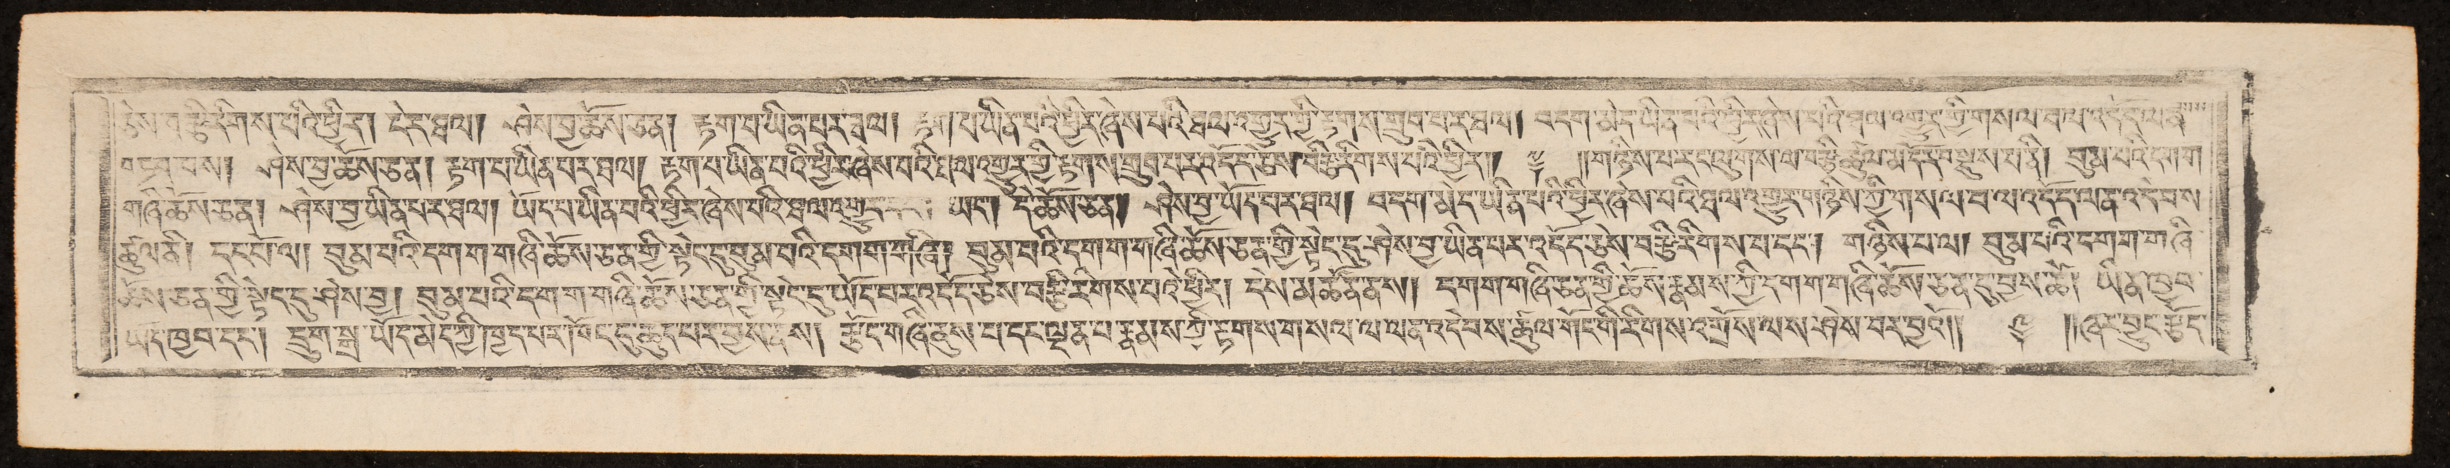ཅེས་བརྩི་རིགས་པའི་ཕྱིར། དེར་ཐལ། ཤེས་བྱ་ཆོས་ཅན། རྟག་པ་ཡིན་པར་ཐལ། རྟག་པ་ཡིན་པའི་ཕྱིར་ཞེས་པའི་ཐལ་འགྱུར་གྱི་རྟགས་གྲུབ་པར་ཐལ། བདག་མེད་ཡིན་པའི་ཕྱིར་ཞེས་པའི་ཐལ་འགྱུར་གྱི་གསལ་བ་ལ་འདོད་ལན་
བཏབ་པས། ཤེས་བྱ་ཆོས་ཅན། རྟག་པ་ཡིན་པར་ཐལ། རྟག་པ་ཡིན་པའི་ཕྱིར་ཞེས་པའི་ཐལ་འགྱུར་གྱི་རྟགས་གྲུབ་པར་འདོད་ཅེས་བརྩི་རིགས་པའི་ཕྱིར།། ༈ །།གཉིས་པ་རང་ལུགས་ལ་བརྩི་ཚུལ་མདོར་བསྡུས་པ་ནི། བུམ་པའི་དགག་
གཞི་ཆོས་ཅན། ཤེས་བྱ་ཡིན་པར་ཐལ། ཡོད་པ་ཡིན་པའི་ཕྱིར་ཞེས་པའི་ཐལ་འགྱུར་དང་། ཡང་། དེ་ཆོས་ཅན། ཤེས་བྱ་ཡོད་པར་ཐལ། བདག་མེད་ཡིན་པའི་ཕྱིར་ཞེས་པའི་ཐལ་འགྱུར་གཉིས་ཀྱི་གསལ་བ་ལ་འདོད་ལན་འདེབས་
ཚུལ་ནི། དང་པོ་ལ། བུམ་པའི་དགག་གཞི་ཆོས་ཅན་གྱི་སྟེང་དུ་བུམ་པའི་དགག་གཞི། བུམ་པའི་དགག་གཞི་ཆོས་ཅན་གྱི་སྟེང་དུ་ཤེས་བྱ་ཡིན་པར་འདོད་ཅེས་བརྩི་རིགས་པ་དང་། གཉིས་པ་ལ། བུམ་པའི་དགག་གཞི་
ཆོས་ཅན་གྱི་སྟེང་དུ་ཤེས་བྱ། བུམ་པའི་དགག་གཞི་ཆོས་ཅན་གྱི་སྟེང་དུ་ཡོད་པར་འདོད་ཅེས་བརྩི་རིགས་པའི་ཕྱིར། དེས་མཚོན་ན། དགག་གཞི་ཆོས་ཅན་གྱི་ཆོས་རྣམས་ཀྱི་དགག་གཞི་ཆོས་ཅན་དུ་བྱས་ཚེ། ཡིན་ཁྱབ་
ཡོད་ཁྱབ་དང་། དྲུག་སྒྲ་ཡོད་མེད་ཀྱི་ཁྱད་པར་ཁོང་དུ་ཆུད་པར་བྱས་ནས། རྩོད་གཞི་ནུས་པ་དང་ལྡན་པ་རྣམས་ཀྱི་རྟགས་གསལ་ལ་ལན་འདེབས་ཚུལ་གོང་གི་རིགས་འགྲོས་ལས་ཤེས་པར་བྱའོ།། ༈ །།ཞར་བྱུང་རྩོད་